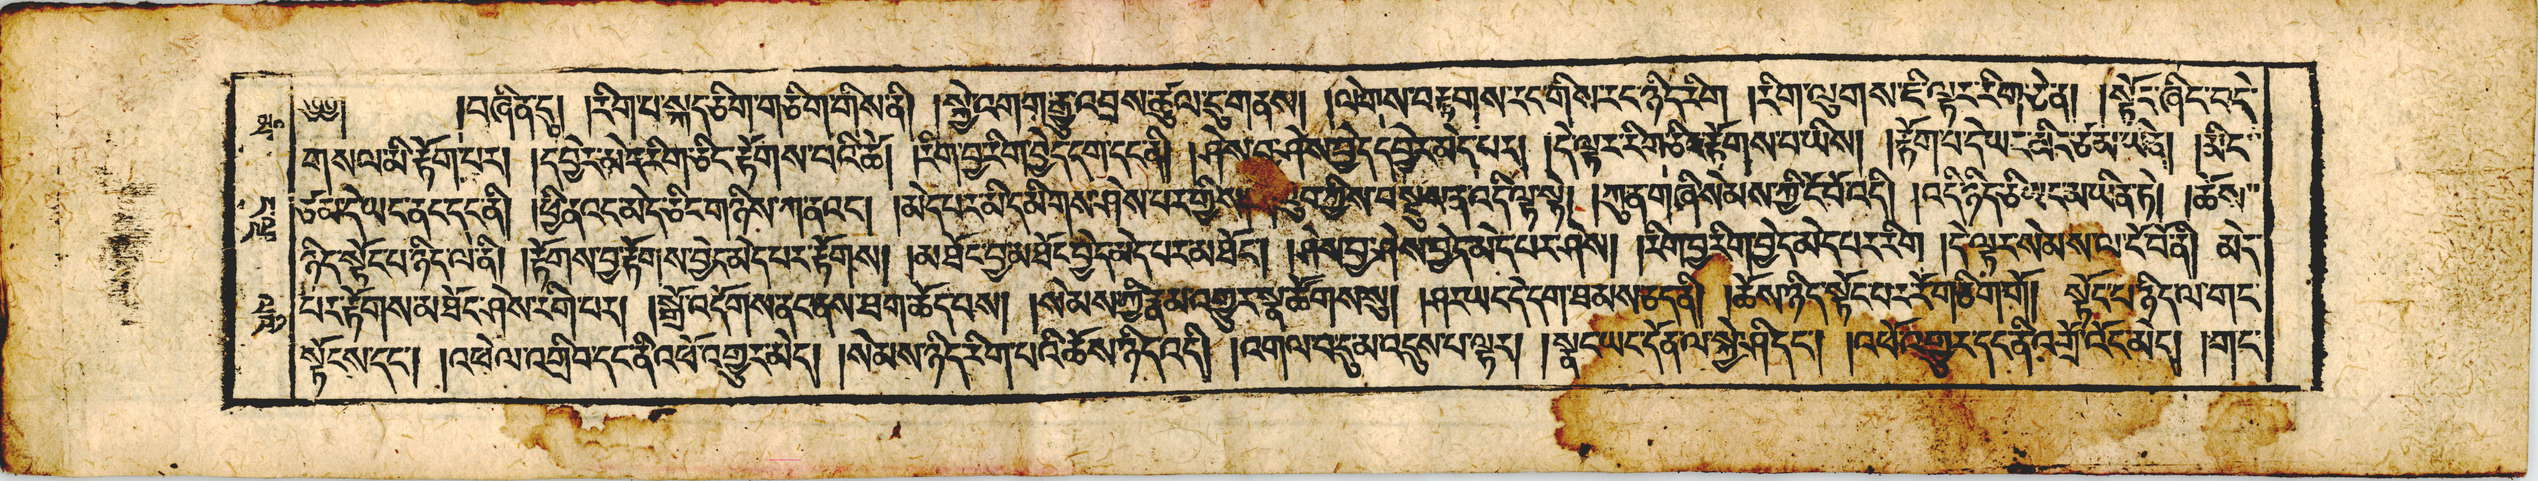བཞིན་དུ། །རིག་པ་སྐད་ཅིག་གཅིག་གིས་ནི། །སྐྱེ་འགག་རྒྱུ་འབྲས་ཚུལ་དུ་གནས། །ལེགས་བརྟགས་རང་གིས་རང་ཉིད་རིིག །རིག་ལུགས་ཇི་ལྟར་རིག་ཤེ་ན། །སྟོང་ཞིང་བདེ་
གསལ་མི་རྟོག་པར། །དབྱེར་མེད་རིག་ཅིང་རྟོགས་པའི་ཚེ། །རིག་བྱ་རིག་བྱེད་དག་དང་ནི། །ཤེས་བྱ་ཤེས་བྱེད་དབྱེར་མེད་པར། །དེ་ལྟར་རིག་ཅིང་རྟོགས་པ་ཡིས། །རྟོག་པ་དེ་ཡང་མིང་ཙམ་ཡིན། །མིང་
ཙམ་དེ་ཡང་ནང་དང་ནི། །ཕྱི་ནའང་མེད་ཅིང་གཉིས་ཀ་ནའང། །མེད་པར་མི་དམིགས་ཤེས་པར་གྱིས། །འུབ་ཀྱིས་བསྡུས་ན་འདི་ལྟ་སྟེ། །ཀུན་གཞི་སེམས་ཀྱི་ངོ་བོ་འདི། །འདི་ཉིད་ཅི་ཡང་མ་ཡིན་ཏེ། །ཆོས་
ཉིད་སྟོང་པ་ཉིད་ལ་ནི། །རྟོགས་བྱ་རྟོགས་བྱེད་མེད་པར་རྟོགས། །མཐོང་བྱ་མཐོང་བྱེད་མེད་པར་མཐོང་། །ཤེས་བྱ་ཤེས་བྱེད་མེད་པར་ཤེས། །རིག་བྱ་རིག་བྱེད་མེད་པར་རིག །དེ་ལྟར་སེམས་ལ་ངོ་བོ་ནི། མེད་
པར་རྟོགས་མཐོང་ཤེས་རིག་པར། །སྒྲོ་འདོགས་ནང་ནས་ཐག་ཆོད་པས། །སེམས་ཀྱི་རྣམ་འགྱུར་སྣ་ཚོགས་སུ། །ཤར་ཡང་དེ་དག་ཐམས་ཅད་ནི། །ཆོས་ཉིད་སྟོང་པར་རོ་གཅིག་གོ། སྟོད་པ་ཉིད་ལ་གང་
སྟོངས་དང་། །འཕེལ་འགྲིབ་དང་ནི་འཕོ་འགྱུར་མེད། །སེམས་ཉིད་རིག་པའི་ཆོས་ཉིད་འདི། །འགལ་བ་དུ་མ་འདུས་པ་ལྟར། །སྣང་ཡང་དོན་ལ་སྐྱེ་ཤི་དང་། །འཕོ་འགྱུར་དང་ནི་འགྲོ་འོང་མེད། །གང་